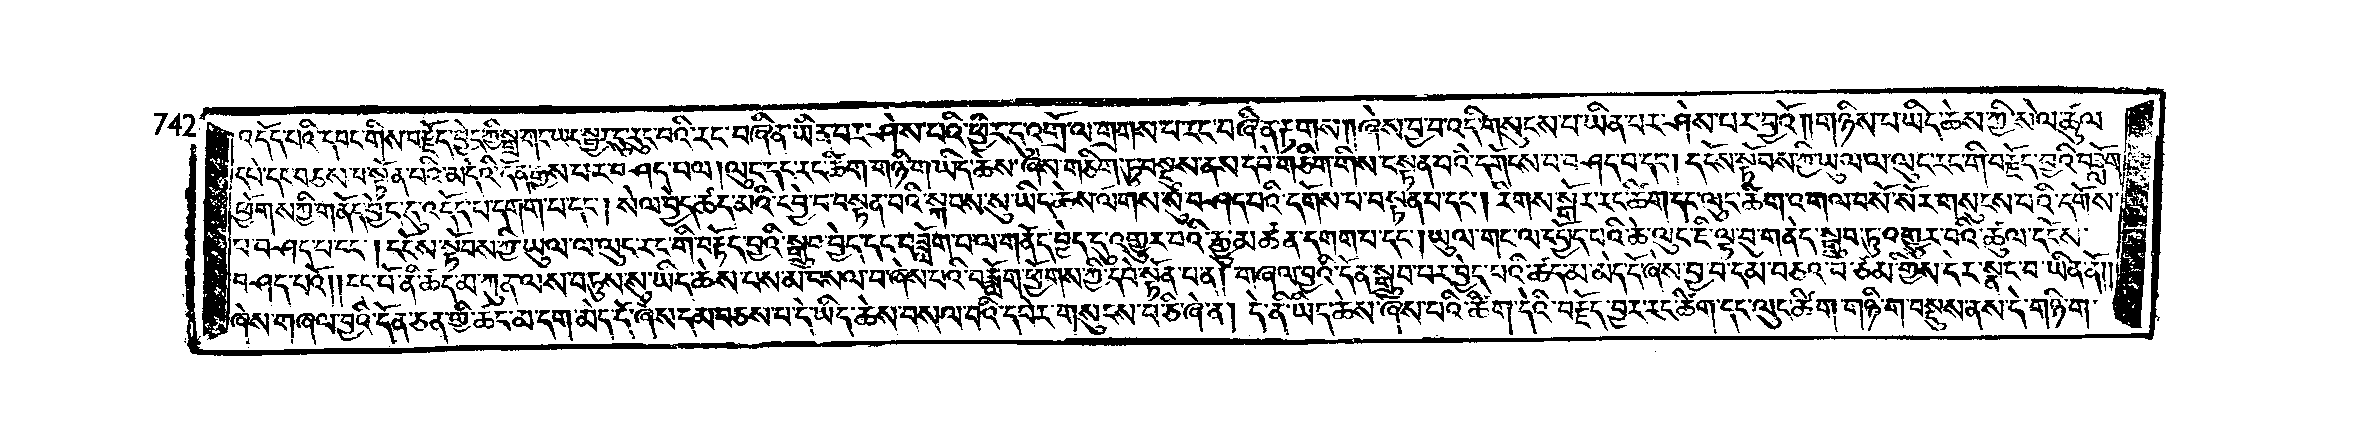འདོད་པའི་དབང་གིས་བརྗོད་བྱེད་ཀྱི་སྒྲ་གང་ཡང་སྦྱར་དུ་རུང་བའི་རང་བཞིན་ཡིན་པར་ཤེས་པའི་ཕྱིར་དུ་འགྲོ་ལ་གྲགས་པ་རང་བཞིན་རྟགས། ཞེས་བྱ་བ་འདི་གསུངས་པ་ཡིན་པར་ཤེས་པར་བྱའོ། །གཉིས་པ་ཡིད་ཆེས་ཀྱི་སེལ་ཚུལ་
དཔེ་དང་བཅས་པ་སྟོན་པའི་མདོའི་དོན་རྒྱས་པར་བཤད་པ་ལ། ལུང་དང་རང་ཚིག་གཉི་ག་ཡིད་ཆེས་ཞེས་གཅིག་ཏུ་བསྡུས་ནས་དཔེ་གཅིག་གིས་བསྟན་པའི་དགོངས་པ་བཤད་པ་དང་། དངོས་སྟོབས་ཀྱི་ཡུལ་ལ་ལུང་རང་གི་བརྗོད་བྱའི་བཟློག་
ཕྱོགས་ཀྱི་གནོད་བྱེད་དུ་འདོད་པ་དགག་པ་དང་། སེལ་བྱེད་ཚད་མའི་དབྱེ་བ་བསྟན་པའི་སྐབས་སུ་ཡིད་ཆེས་ལོགས་སུ་བཤད་པའི་དགོས་པ་བསྟན་པ་དང་། རིགས་སྒོར་རང་ཚིག་དང་ལུང་ཚིག་འགལ་བ་སོ་སོར་གསུངས་པའི་དགོས་
པ་བཤད་པ་དང་། དངོས་སྟོབས་ཀྱི་ཡུལ་ལ་ལུང་རང་གི་བརྟོད་བྱའི་སྒྲུབ་བྱེད་དང་བཟློག་པ་ལ་གནོད་བྱེད་དུ་འགྱུར་བའི་རྒྱུ་མཚན་དགག་པ་དང་། ཡུལ་གང་ལ་དཔྱོད་པའི་ཚེ་ལུང་ཇི་ལྟ་བུ་གནོད་སྒྲུབ་ཏུ་འགྱུར་བའི་ཚུལ་དངོས་
བཤད་པའོ། །དང་པོ་ནི་ཚད་མ་ཀུན་ལས་བཏུས་སུ་ཡིད་ཆེས་པས་མ་བསལ་བ་ཞེས་པའི་བཟློག་ཕྱོགས་ཀྱི་དཔེ་སྟོན་པ་ན། གཞལ་བྱའི་དོན་སྒྲུབ་པར་བྱེད་པའི་ཚད་མ་མེད་དོ་ཞེས་བྱ་བ་དམ་བཅའ་བ་ཙམ་གྱིས་དེར་སྣང་བ་ཡིན་ནོ། །
ཞེས་གཞལ་བྱའི་དོན་ཅན་གྱི་ཚད་མ་དག་མེད་དོ་ཞེས་དམ་བཅས་པ་དེ་ཡིད་ཆེས་བསལ་བའི་དཔེར་གསུངས་པ་ཅི་ཞེ་ན། དེ་ནི་ཡིད་ཆེས་ཞེས་པའི་ཚིག་དེའི་བརྗོད་བྱར་རང་ཚིག་དང་ལུང་ཚིག་གཉི་ག་བསྡུས་ནས་དེ་གཉི་ག་